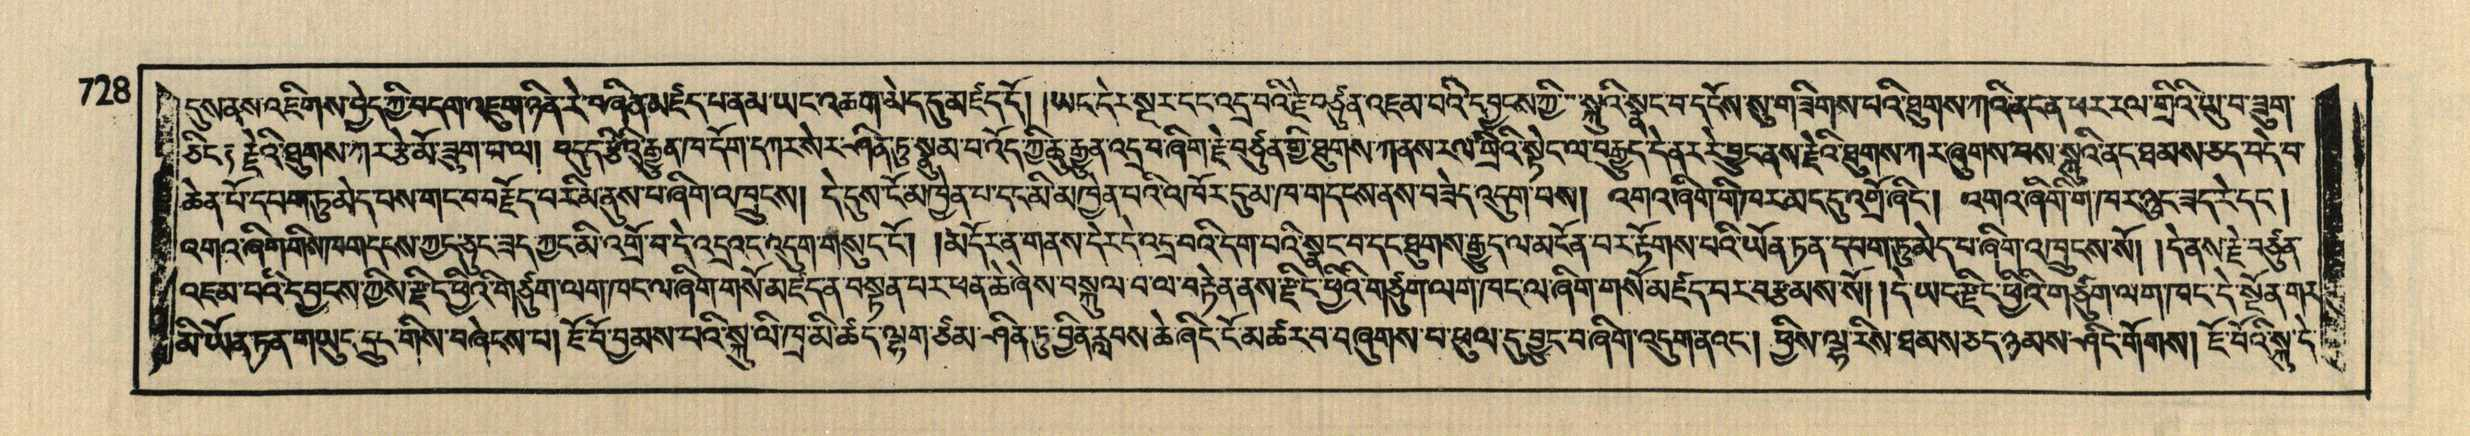དུས་ནས་འཇིགས་བྱེད་ཀྱི་བདག་འཇུག་ཉིན་རེ་བཞིན་མཛད་པ་ནམ་ཡང་འཆག་མེད་དུ་མཛད་དོ། །ཡང་དེར་སྔར་དང་འདྲ་བའི་རྗེ་བཙུན་འཇམ་བའི་དབྱངས་ཀྱི་སྐུའི་སྣང་བ་དངོས་སུ་གཟིགས་པའི་ཐུགས་ཀའི་ནང་ན་ཕར་རལ་གྲིའི་ཡུ་བ་ཟུག་
ཅིང༑ རྗེའི་ཐུགས་ཀར་རྩེ་མོ་ཟུག་པ་ལ། བདུད་རྩིའི་རྒྱུན་ཁ་དོག་དཀར་སེར་ཤིན་ཏུ་སྣུམ་པ་འོད་ཀྱི་ཆུ་རྒྱུན་འདྲ་བ་ཞིག་རྗེ་བཙུན་གྱི་ཐུགས་ཀ་ནས་རལ་གྲིའི་སྟེང་ལ་བརྒྱུད་དེ་ནར་རེ་བྱུང་ནས་རྗེའི་ཐུགས་ཀར་ཞུགས་བས་སྐུའི་ནང་ཐམས་ཅད་བདེ་བ་
ཆེན་པོ་དཔག་ཏུ་མེད་པས་གང་བ་བརྗོད་པར་མི་ནུས་པ་ཞིག་འཁྲུངས། དེ་དུས་ངོ་མཁྱེན་པ་དང་མི་མཁྱེན་པའི་འཁོར་དུ་མ་ཁ་གདངས་ནས་བཟེད་འདུག་པས། འགའ་ཞིག་གི་ཁར་མང་དུ་འགྲོ་ཞིང་། འགའ་ཞིག་གི་ཁར་ཉུང་ཟད་རེ་དང་།
འགའ་ཞིག་གིས་ཁ་གདངས་ཀྱང་ཅུང་ཟད་ཀྱང་མི་འགྲོ་བ་དེ་འདྲའང་འདུག་གསུང་ངོ། །མདོར་ན་གནས་དེར་དེ་འདྲ་བའི་དག་བའི་སྣང་བ་དང་ཐུགས་རྒྱུད་ལ་མངོན་པར་རྟོགས་པའི་ཡོན་ཏན་དཔག་ཏུ་མེད་པ་ཞིག་འཁྲུངས་སོ། །དེ་ནས་རྗེ་བཙུན་
འཇམ་བའི་དབྱངས་ཀྱིས་རྫིང་ཕྱིའི་གཙུག་ལག་ཁང་ལ་ཞིག་གསོ་མཛད་ན་བསྟན་པར་ཕན་ཆེ་ཞེས་བསྐུལ་བ་ལ་བརྟེན་ནས་རྫིང་ཕྱིའི་གཙུག་ལག་ཁང་ལ་ཞིག་གསོ་མཛད་པར་བརྩམས་སོ། །དེ་ཡང་རྫིང་ཕྱིའི་གཙུག་ལག་ཁང་དེ་སྔོན་གར་
མི་ཡོན་ཏན་གཡུང་དྲུང་གིས་བཞེངས་པ། ཇོ་བོ་བྱམས་པའི་སྐུ་ལི་ཁྲ་མི་ཚད་ལྷག་ཙམ་ཤིན་ཏུ་བྱིན་རླབས་ཆེ་ཞིང་ངོ་མཚར་བ་བཞུགས་པ་ཕུལ་དུ་བྱུང་བ་ཞིག་འདུག་ནའང་། ཕྱིས་ལྷ་རིས་ཐམས་ཅད་ཉམས་ཤིང་གོགས། ཇོ་བོའི་སྐུ་དེ་